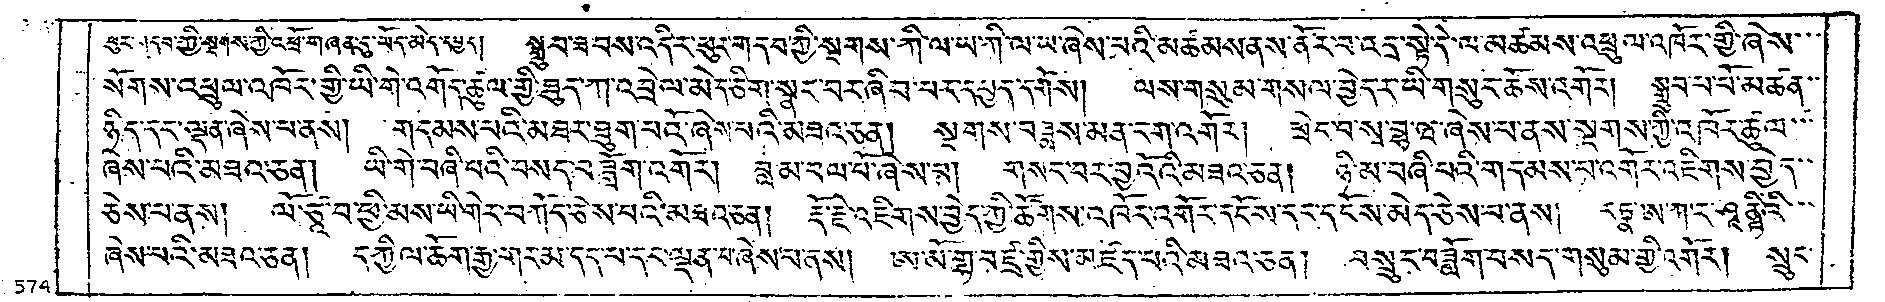ཕུར་གདབ་ཀྱི་སྔགས་ཀྱི་འཕྲོ་གཞན་དུ་ཡོད་མེད་དཔྱད། སྒྲུབ་ཐབས་འདིར་ཕུར་གདབ་ཀྱི་སྔགས་ཀི་ལ་ཡ་ཀི་ལ་ཡ་ཞེས་པའི་མཚམས་ནས་ནོར་བ་འདྲ་སྟེ་དེ་ལ་མཚམས་འཕྲུལ་འཁོར་གྱི་ཞེས་
སོགས་འཕྲུལ་འཁོར་གྱི་ཡི་གེ་འགོད་ཚུལ་གྱི་ཐུད་ཀ་འབྲེལ་མེད་ཅིག་སྣང་བར་ཞིབ་པར་དཔྱད་དགོས། ལས་གསུམ་གསལ་བྱེད་ར་ཡི་གསུང་ཆོས་འགོར། སྒྲུབ་པ་པོ་མཚན་
ཉིད་དང་ལྡན་ཞེས་པ་ནས། གདམས་པའི་མཐར་ཐུག་པའོ་ཞེས་པའི་མཐའ་ཅན། སྔགས་བཟླས་མན་ངག་འགོར། ཕྲེང་བ་སྭ་བྷ་ཝ་ཞེས་པ་ནས་སྔགས་ཀྱི་འཁོར་ཚུལ་
ཞེས་པའི་མཐའ་ཅན། ཡི་གེ་བཞི་པའི་བསད་བཟློག་འགོར། བླ་མ་བལ་པོ་ཞེས་པ། གསང་བར་བྱའོའི་མཐའ་ཅན། ཉི་མ་བཞི་པའི་གདམས་པ་འགོར་འཇིགས་བྱེད་
ཅེས་པ་ནས། ལོ་ཙཱ་བ་ཕྱི་མས་ཡི་གེར་བཀོད་ཅེས་པའི་མཐའ་ཅན། རྡོ་རྗེ་འཇིགས་བྱེད་ཀྱི་ཚོགས་འཁོར་འགོར་དངོས་དང་དངོས་མེད་ཅེས་པ་ནས། རཏྣ་ཨ་ཀ་ར་ཤཱ་ནྟིའི་
ཞེས་པའི་མཐའ་ཅན། དཀྱིལ་ཆོག་རྒྱ་གར་མ་དད་པ་དང་ལྡན་པ་ཞེས་པ་ནས། ཨ་མོ་གྷ་བཛྲ་གྱིས་མཛད་པའི་མཐའ་ཅན། བསྲུང་བཟློག་བསད་གསུམ་གྱི་འགོར། སྲུང་